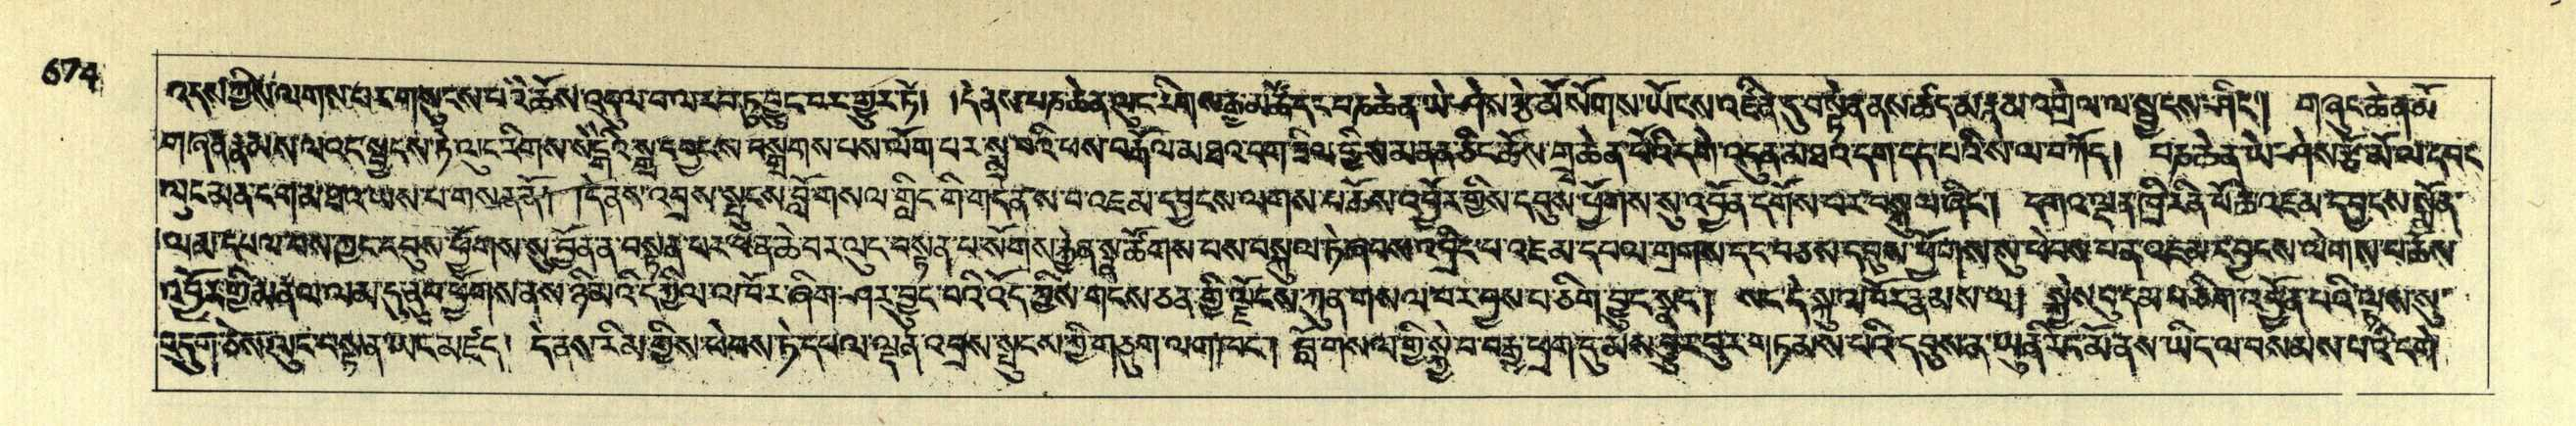འདས་ཀྱིས་ལགས་པར་གསུངས་པའི་ཆོས་འདུལ་བ་ལ་རབ་ཏུ་བྱུང་བར་གྱུར་ཏོ། །དེ་ནས་པཎ་ཆེན་ལུང་རིགས་རྒྱ་མཚོ་དང་པཎ་ཆེན་ཡེ་ཤེས་རྩེ་མོ་ལེགས་སོགས་ཡོངས་འཛིན་དུ་བསྟེན་ནས་ཚད་མ་རྣམ་འགྲེལ་ལ་སྦྱངས་ཤིང་། གཞུང་ཆེན་མོ་
གཞན་རྣམས་ལའང་སྦྱངས་ཏེ་ལུང་རིགས་སེངྒེའི་སྒྲ་དབྱངས་བསྒྲགས་པས་ལོག་པར་སྨྲ་བའི་ཕས་བགྲོལ་མཐའ་དག་ཟིལ་གྱིས་མནན་ཅིང་ཆོས་གྲྭ་ཆེན་པོའི་དགེ་འདུན་མཐའ་དག་དད་པའི་ས་ལ་བཀོད། པཎ་ཆེན་ཡེ་ཤེས་རྩོ་མོ་ལ་དབང་
ལུང་མན་ངག་མཐའ་ཡས་པ་གསན་ནོ། །དེ་ནས་འབྲས་སྤུངས་བློ་གསལ་གླིང་གི་གདན་ས་བ་འཇམ་དབྱངས་ལགས་པ་ཆོས་འབྱོར་གྱིས་དབུས་ཕྱོགས་སུ་འབྱོན་དགོས་པར་བསྐུལ་ཞིང་། དགའ་ལྡན་ཁྲི་རིན་པོ་ཆེ་འཇམ་དབྱངས་སྨོན་
ལམ་དཔལ་བས་ཀྱང་དབུས་ཕྱོགས་སུ་བྱོན་ན་བསྟན་པར་ཕན་ཆེ་བར་ལུང་བསྟན་པ་སོགས་རྐྱེན་སྣ་ཚོགས་པས་བསྐུལ་ཏེ་ཞབས་འབྲིང་པ་འཇམ་དཔལ་གྲགས་དང་བཅས་དབུས་ཕྱོགས་སུ་ཕེབས་པ་ན་འཇམ་དབྱངས་ལེགས་པ་ཆོས་
འབྱོར་གྱི་མནལ་ལམ་དུ་ནུབ་ཕྱོགས་ནས་ཉི་མའི་དཀྱིལ་འཁོར་ཞིག་ཤར་བྱུང་བའི་འོད་ཀྱིས་གངས་ཅན་གྱི་ལྗོངས་ཀུན་གསལ་བར་བྱས་པ་ཅིག་བྱུང་སྣང་། སང་དེ་སྐུ་འཁོར་རྣམས་ལ། སྐྱེས་བུ་དམ་པ་ཅིག་འབྱོན་པའི་ལྟས་སུ་
འདུག་ཅེས་ལུང་བསྟན་ཡང་མཛད། དེ་ནས་རིམ་གྱིས་ཕེབས་ཏེ་དཔལ་ལྡན་འབྲས་སྤུངས་ཀྱི་གཅུག་ལག་ཁང་། བློ་གསལ་གྱི་སྐྱེ་བ་བརྒྱ་ཕྲག་དུ་མས་བྱུར་བུར་གཏམས་པའི་དབུས་ན་ཡུན་རིང་མོ་ནས་ཡིད་ལ་བསམས་པའི་དགེ་